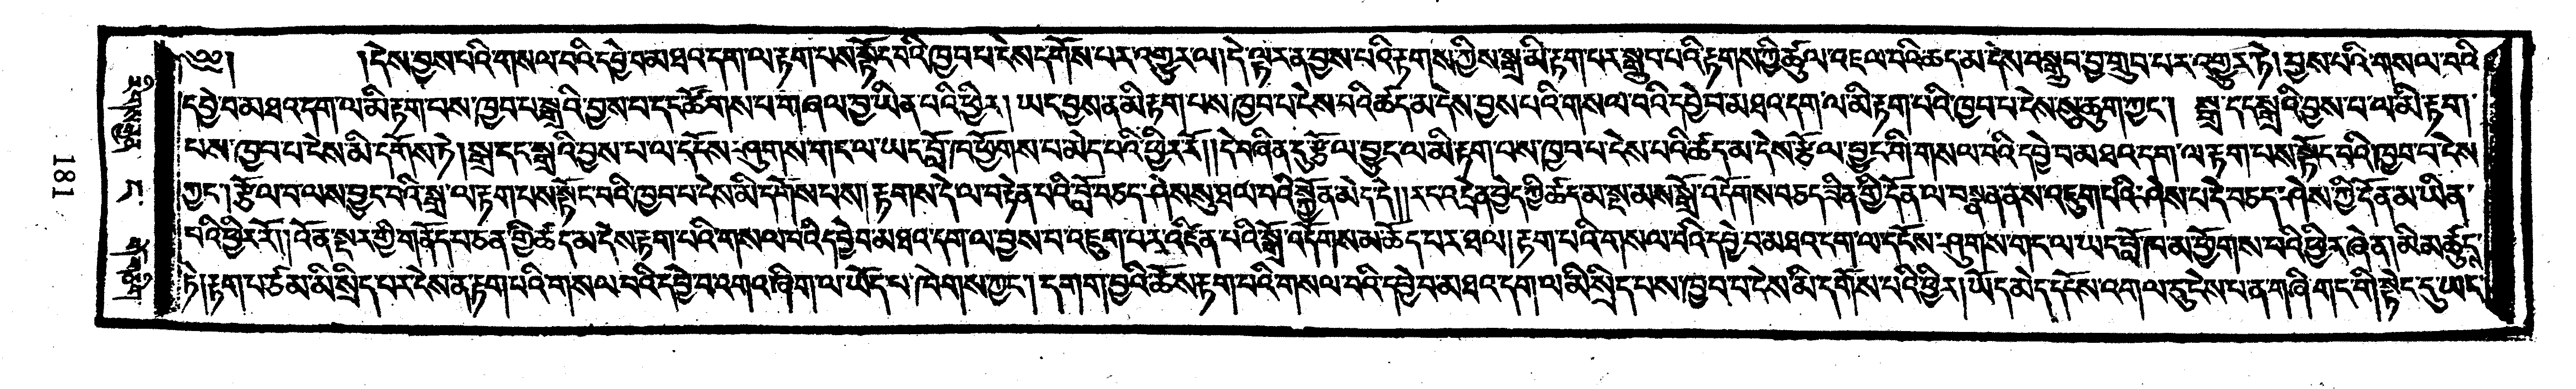༄༅། །དེས་བྱས་པའི་གསལ་བའི་དབྱེ་བ་མཐའ་དག་ལ་རྟག་པས་སྟོང་བའི་ཁྱབ་པ་ངེས་དགོས་པར་འགྱུར་ལ། དེ་ལྟར་ན་བྱས་པའི་རྟགས་ཀྱིས་སྒྲ་མི་རྟག་པར་སྒྲུབ་པའི་རྟགས་ཀྱི་ཚུལ་འཇལ་བའི་ཚད་མ་དེས་བསྒྲུབ་བྱ་གྲུབ་པར་འགྱུར་ཏེ། བྱས་པའི་གསལ་བའི་
དབྱེ་བ་མཐའ་དག་ལ་མི་རྟག་པས་ཁྱབ་པ་སྒྲའི་བྱས་པ་དང་ཚོགས་པ་གཞལ་བྱ་ཡིན་པའི་ཕྱིར། ཡང་བྱས་ན་མི་རྟག་པས་ཁྱབ་པ་ངེས་པའི་ཚད་མ་དེས་བྱས་པའི་གསལ་བའི་དབྱེ་བ་མཐའ་དག་ལ་མི་རྟག་པའི་ཁྱབ་པ་ངེས་སུ་ཆུག་ཀྱང་། སྒྲ་དང་སྒྲའི་བྱས་པ་ལ་མི་རྟག་
པས་ཁྱབ་པ་ངེས་མི་དགོས་ཏེ། སྒྲ་དང་སྒྲའི་བྱས་པ་ལ་དངོས་ཤུགས་གང་ལ་ཡང་བློ་ཁ་ཕྱོགས་པ་མེད་པའི་ཕྱིར་རོ། །དེ་བཞིན་དུ་རྩོལ་བྱུང་ལ་མི་རྟག་པས་ཁྱབ་པ་ངེས་པའི་ཚད་མ་དེས་རྩོལ་བྱུང་གི་གསལ་བའི་དབྱེ་བ་མཐའ་དག་ལ་རྟག་པས་སྟོང་བའི་ཁྱབ་པ་ངེས་
ཀྱང་། རྩོལ་བ་ལས་བྱུང་བའི་སྒྲ་ལ་རྟག་པས་སྟོང་བའི་ཁྱབ་པ་ངེས་མི་དགོས་པས། རྟགས་དེ་ལ་བརྟེན་པའི་བློ་བཅད་ཤེས་སུ་ཐལ་བའི་སྐྱོན་མེད་དེ། རང་འདྲེན་བྱེད་ཀྱི་ཚད་མ་སྔ་མས་སྒྲོ་འདོགས་བཅད་ཟིན་གྱི་དོན་ལ་བསྣན་ནས་འཇུག་པའི་ཤེས་པ་དེ་བཅད་ཤེས་ཀྱི་དོན་མ་ཡིན་
པའི་ཕྱིར་རོ། །འོ་ན་སྔར་གྱི་གནོད་པ་ཅན་གྱི་ཚད་མ་དེས་རྟག་པའི་གསལ་བའི་དབྱེ་བ་མཐའ་དག་ལ་བྱས་པ་འཇུག་པར་འཛིན་པའི་སྒྲོ་འདོགས་མཆོད་པར་ཐལ། རྟག་པའི་གསལ་བའི་དབྱེ་བ་མཐའ་དག་ལ་དངོས་ཤུགས་གང་ལ་ཡང་བློ་ཁ་མ་ཕྱོགས་པའི་ཕྱིར་ཞེ་ན། མི་མཚུངས་
ཏེ༑ རྟག་པ་ཙམ་མི་སྲིད་པར་ངེས་ན་རྟག་པའི་གསལ་བའི་དབྱེ་བ་འགའ་ཞིག་ལ་ཡོད་པ་ཁེགས་ཀྱང་། དགག་བྱའི་ཆོས་རྟག་པའི་གསལ་བའི་དབྱེ་བ་མཐའ་དག་ལ་མི་སྲིད་པས་ཁྱབ་པ་ངེས་མི་དགོས་པའི་ཕྱིར། ཡོད་མེད་དངོས་འགལ་དུ་ངེས་པ་ན་གཞི་གང་གི་སྟེང་དུ་ཡང་